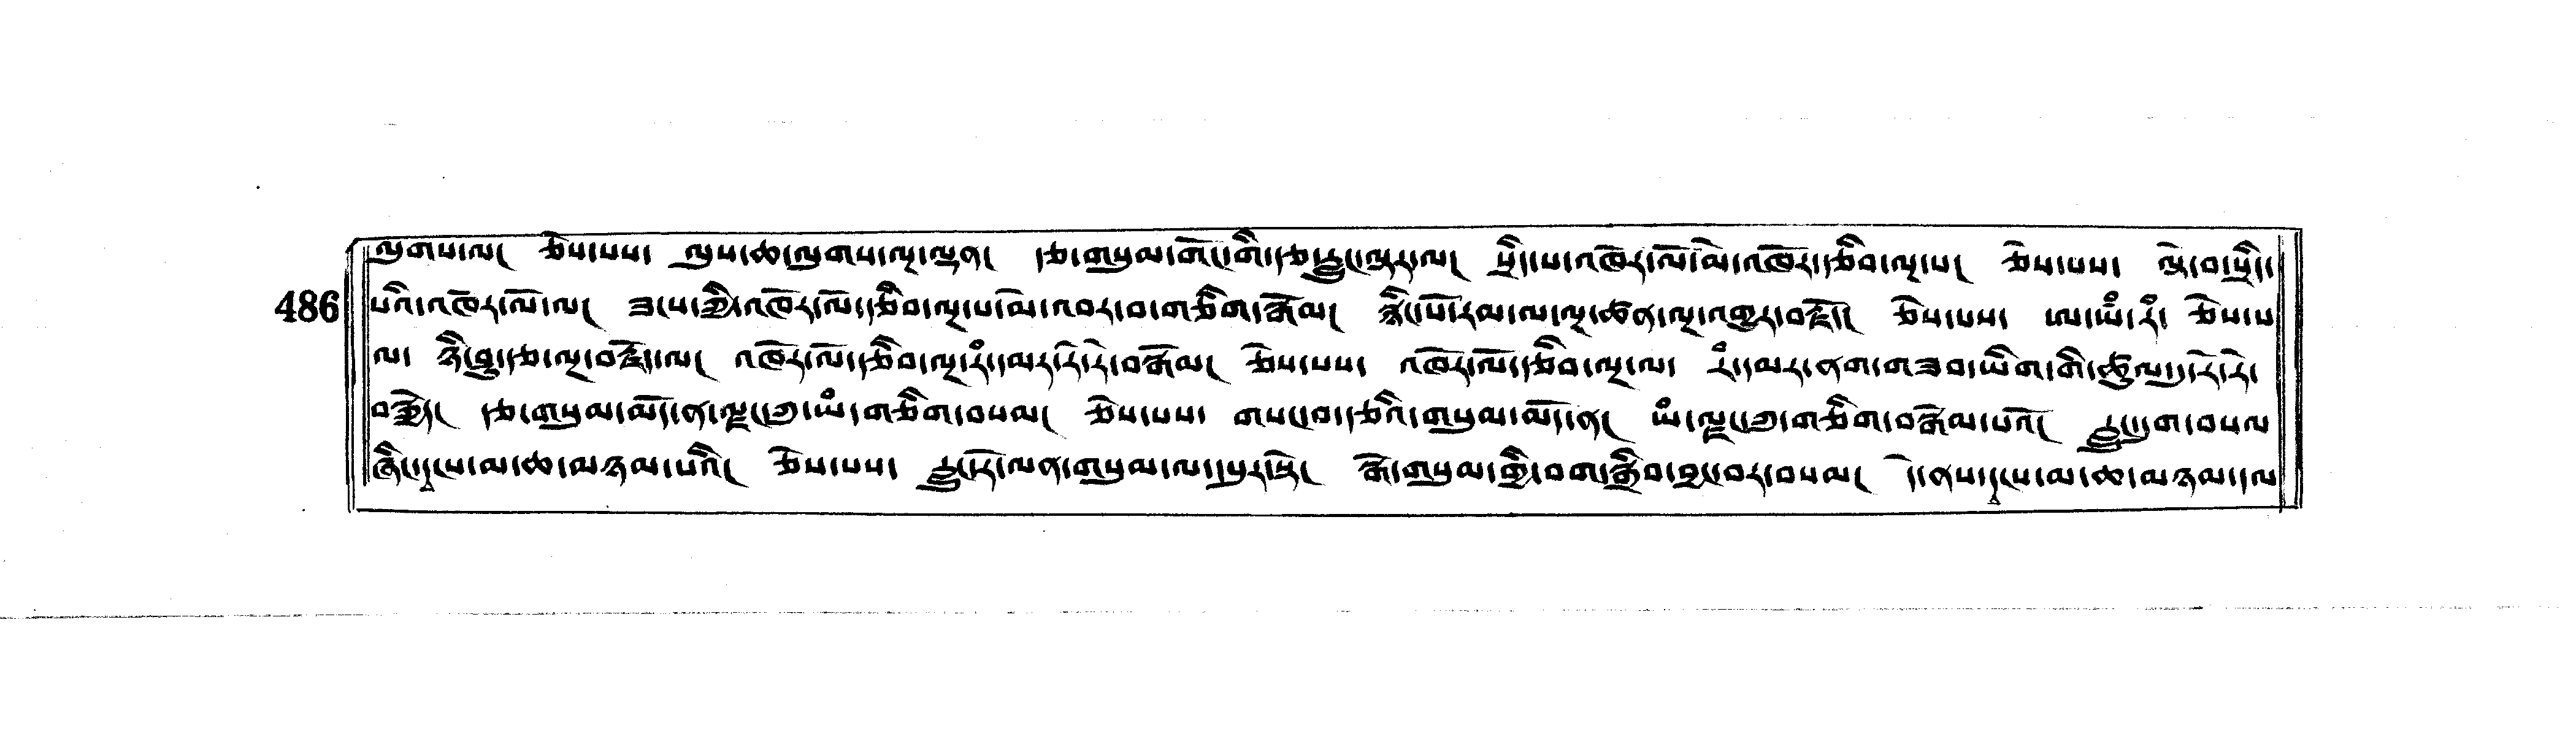ལུགས་ལ། ཅེས་པས། ལུས་ཆ་ལུགས་ལྔ་ལྡན། རྩ་གསུམ་གོང་གི་རྩ་རླུང་ལྟར་ལ། སྲིད་པ་འཁོར་ལོ་མེ་འཁོར་རྩིབས་ལྔ་པ། ཅེས་པས། ལྟེ་བ་སྲིད་
པའི་འཁོར་ལོ། ཟངས་ཀྱི་འཁོར་ལོ་རྩིབས་ལྔ་པ་མེ་འབར་བ་ཅིག་བསྒོམ། སྙིང་པོ་རཾ་ལྔ་ཚན་ལྔ་འགྱུར་བརྗོད། ཅེས་པས། ཨ་ཡཾ་རཾ། ཅེས་པ་
ལ་ཉི་ཤུ་རྩ་ལྔ་བརྗོད་ལ། འཁོར་ལོ་རྩིབས་ལྔ་རཾ་དམར་རེ་རེ་བསྒོམ། ཅེས་པས། འཁོར་ལོ་རྩིབས་ལྔ་ལ་རཾ་དམར་ནག་གཟབ་ཡིག་གི་ཚུལ་དུ་རེ་རེ་
བསྐྱེད། རྩ་གསུམ་མདོ་ན་ལྗང་གུ་ཡཾ་ཅིག་བསམ། ཅེས་པས། གསང་བ་རྩ་ཡི་སུམ་མདོ་ན། ཡཾ་ལྗང་ཀུ་ཅིག་བསྒོམ་པའོ། རླུང་དུག་བསལ་
ཅིང་དངས་མ་ཆ་མཉམ་པའི། ཅེས་པས། རླུང་རོ་ལན་གསུམ་ལ་སྤུར་ཏེ། སྒོ་གསུམ་གྱི་བག་སྒྲིབ་བྱང་བར་བསམ། དེ་ནས་དྭངས་མ་ཆ་མཉམ་དལ་